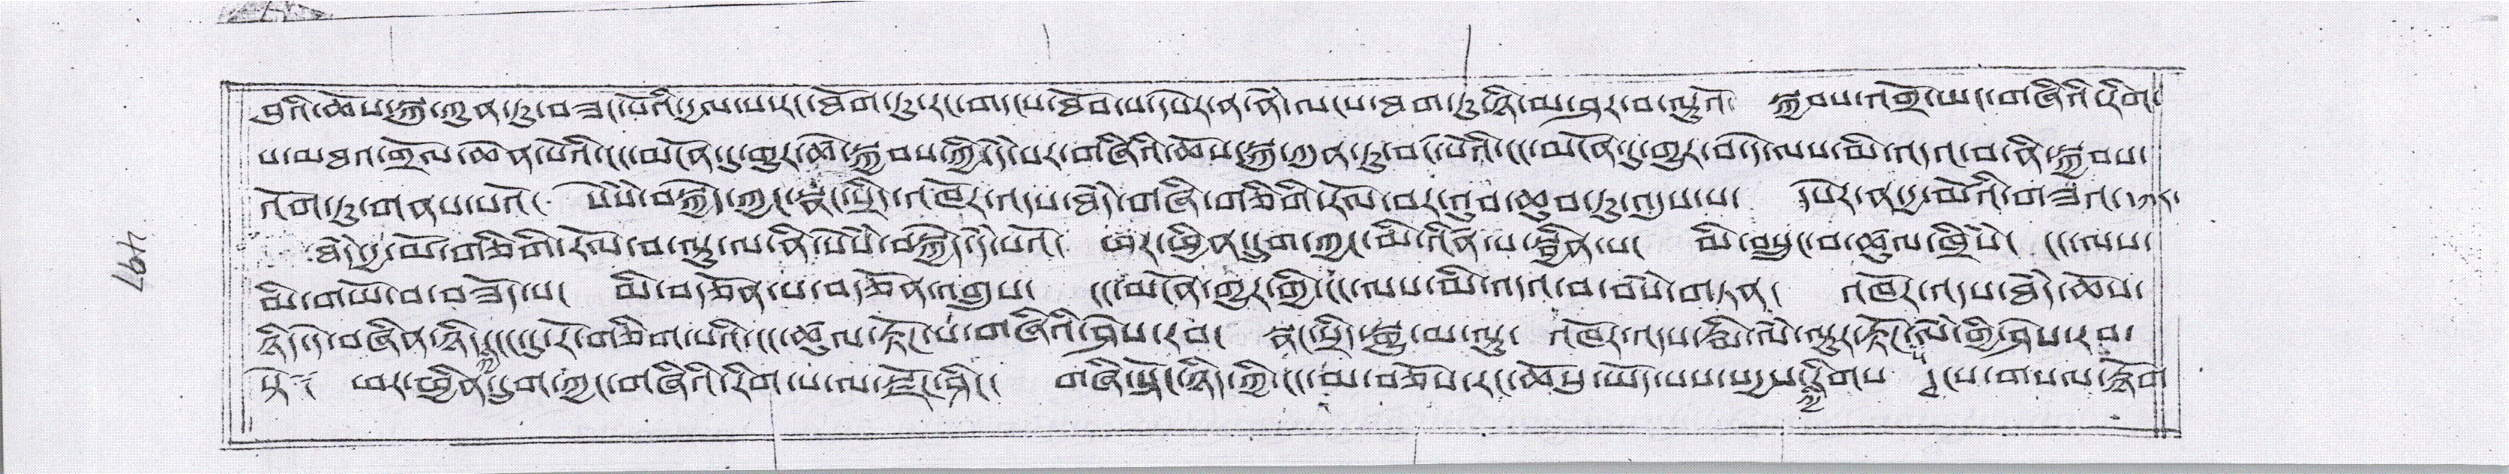བུའི་ཆོས་སྐུ་ཀུན་ཏུ་བཟང་པོའི་རྒྱལ་ས་རང་གདང་དུ་རང་ཐོག་ཐོབ་པ་དཔེར་ན་ནམ་ལངས་མ་ཐག་ཏུ་ཉི་མ་ཤར་བ་ལྟ་བུའོ། སྐྱབས་འགྲོ་ཡང་གཞིའི་རིག་
པ་མཐའ་གྲོལ་ཆེན་པོའི་ངང་མངོན་དུ་གྱུར་ཚེ་སྐྱབས་ཀྱི་དམ་པར་གཞིའི་ཆོས་སྐུ་ཀུན་ཏུ་བཟང་པོའི་ངང་མངོན་དུ་གྱུར་པ་དེ་ལས་མི་འདའ་བ་ནི་སྐྱབས་
འོག་ཏུ་གནས་པའོ། སེམས་བསྐྱེད་ཀྱང་སྣང་སྲིད་འཁོར་འདས་ཐམས་ཅད་གཞི་གཅིག་གི་རོལ་པར་འུབས་ཆུབ་ཏུ་འདུས་པ། དཔེར་ན་རྒྱ་མཚོའི་གཟའ་སྐར་
ཐམས་ཅད་རྒྱ་མཚོ་གཅིག་གི་རོལ་པ་ལྟ་བུ་ལ་ནི་སེམས་བསྐྱེད་དམ་པའོ། ཕར་ཕྱིན་དྲུག་ཀྱང་མི་འཛིན་པ་སྦྱིན་པ། མི་བསྲུང་བ་ཚུལ་ཁྲིམས། ངང་ལས་
མི་གཡོ་བ་བཟོད་པ། མི་བརྩོན་པ་བརྩོན་འགྲུས། ངང་མངོན་གྱུར་གྱི་ངང་ལས་མི་འདའ་བ་བསམ་གཏན། འཁོར་འདས་ཐམས་ཅད་ཆོས་
ཉིད་དེ་བཞིན་ཉིད་ཀྱི་ངང་དུ་རོ་གཅིག་པའི་ངང་ཚུལ་རྟོགས་པ་གཞིའི་ཤེས་རབ། སྣང་སྲིད་སྒྱུ་མ་ལྟ་བུ། འཁོར་འདས་རྨི་ལམ་ལྟ་བུར་རྟོགས་པ་ལམ་གྱི་ཤེས་རབ་
སྟེ། ཕར་ཕྱིན་དྲུག་ཀྱང་གཞིའི་རིག་པ་ལ་རྫོགས་ཤིང་། གཞི་སྟོང་ཉིད་ཀྱི་ངང་མ་བཅོས་རང་ཆོས་སུ་ཡོད་པས་སངས་རྒྱས་ཀྱི་རིགས། དྭངས་གསལ་རྙོགས་